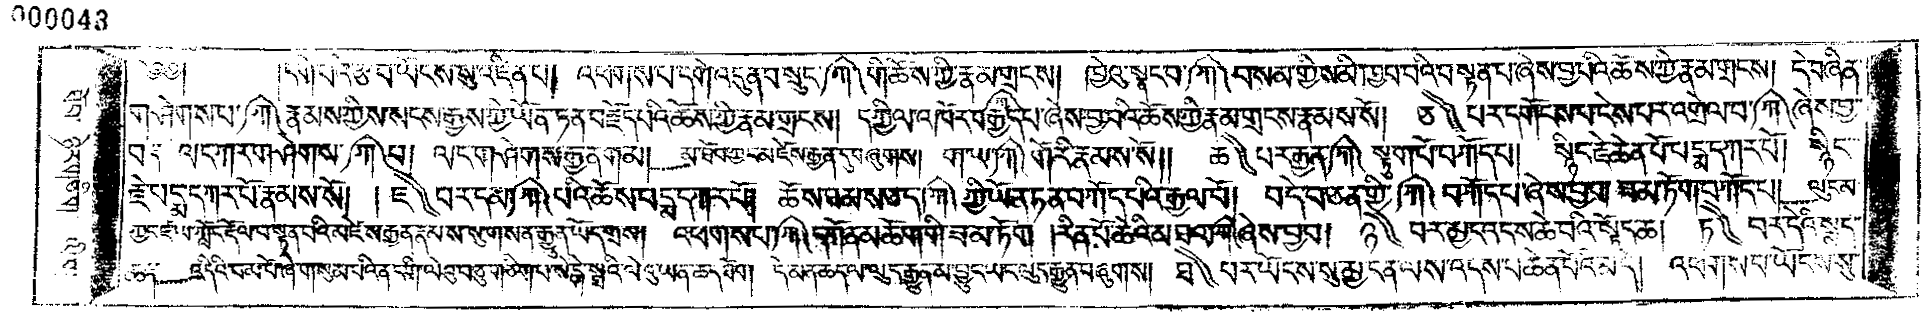༄༅། །དགེ་བའི་རྩ་བ་ཡོངས་སུ་འཛིན་པ། འཕགས་པ་དགེ་འདུན་བསྲུང ༼ཀ༽ གི་ཆོས་ཀྱི་རྣམ་གྲངས། ཁྱེའུ་སྣང་བ ༼ཀ༽ བསམ་གྱིས་མི་ཁྱབ་པའི་བསྟན་པ་ཞེས་བྱ་པའི་ཆོས་ཀྱི་རྣམ་གྲངས། དེ་བཞིན་
གཤེགས་པ ༼ཀ༽ རྣམས་ཀྱིས་སངས་རྒྱས་ཀྱི་ཡོན་ཏན་བརྗོད་པའི་ཆོས་ཀྱི་རྣམ་གྲངས། དཀྱིལ་འཁོར་བརྒྱད་པ་ཞེས་བྱ་བའི་ཆོས་ཀྱི་རྣམ་གྲངས་རྣམས་སོ། ཅ༼༽ པར་དགོངས་པ་ངེས་པར་འགྲེལ་བ ༼ཀ༽ ཞེས་བྱ་
བ༑ ལང་ཀར་གཤེགས ༼ཀ༽ པ། ལང་གཤེགས་རྒྱ་ནག་མ་མ་ཐོབ་ཀྱང་མཛེས་རྒྱན་དུ་བཞུགས།  ག་ཡ ༼ཀ༽ གོ་རི་རྣམས་སོ།། ཆ༼༽ པར་རྒྱན ༼ཀ༽ སྟུག་པོ་བཀོད་པ། སྙིང་རྗེ་ཆེན་པོ་པདམ་དཀར་པོ། སྙིང་
རྗེ་པདམ་དཀར་པོ་རྣམས་སོ། །ཇ༼༽ པར་དམ ༼ཀ༽ པའི་ཆོས་པདམ་དཀར་པོ། ཆོས་ཐམས་ཅད ༼ཀ༽ ཀྱི་ཡོན་ཏན་བཀོད་པའི་རྒྱལ་པོ། བདེ་བ་ཅན་གྱི ༼ཀ༽ བཀོད་པ་ཞེས་བྱ་བ། ཟ་མ་ཏོག་བཀོད་པ་ལུང་མ་
ཀྱང་ཛ་ཡ་ཀློང་རྡོལ་བསྟན་པའི་མཛེས་རྒྱན་རྣམས་སུ་གསན་རྒྱུན་ཡོད་གྲས། འཕགས་པ ༼ཀ༽ དཀོན་མཆོག་གི་ཟ་མ་ཏོག །རིན་པོ་ཆེའི་མཐའ ༼ཀ༽ ཞེས་བྱ་བ། ཉ༼༽ བར་མྱང་འདས་ཆེ་བའི་སྟོད་ཆ། ཏ༼༽ བར་དེའི་སྨད་
ཆ༑ འདིའི་བམ་པོ་ཞེ་གསུམ་པའི་ནང་གི་ལེའུ་བཅུ་གཅིག་པ་སེངྒེ་སྒྲའི་ལེའུ་ཡན་ཆད་ཐོབ། དེ་མན་ཆད་ལ་ལུང་རྒྱུན་མ་བྱུང་ཡང་ལུང་རྒྱུན་བཞུགས།  ཐ༼༽ པར་ཡོངས་སུ་མྱ་ངན་ལས་འདས་པ་ཆེན་པོའི་མདོ། འཕགས་པ་ཡོངས་སུ་